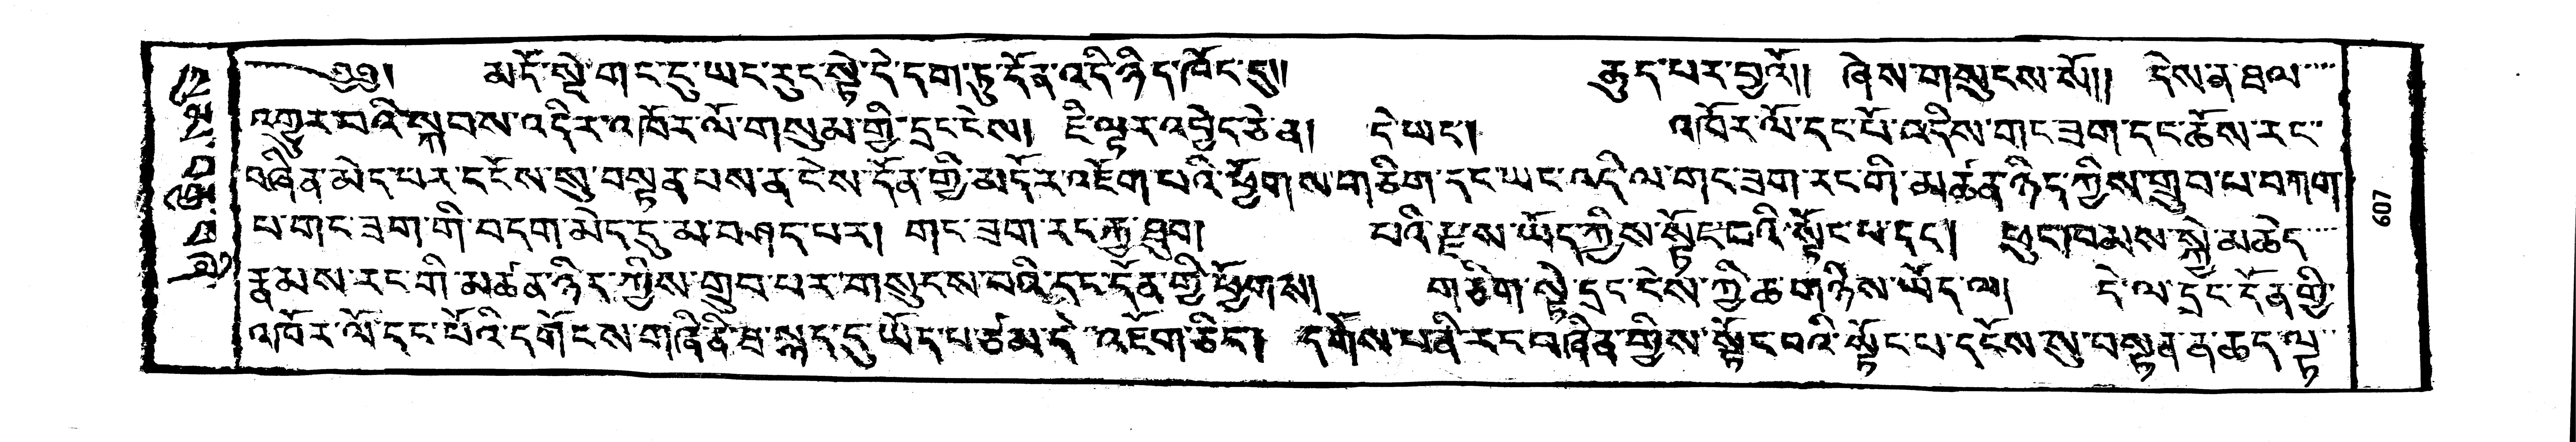༄༅། །མདོ་སྡེ་གང་དུ་ཡང་རུང་སྟེ་དེ་དག་ཏུ་དོན་འདི་ཉིད་ཁོང་དུ། །ཆུད་པར་བྱའོ། །ཞེས་གསུངས་སོ། །དེས་ན་ཐལ་
འགྱུར་བའི་སྐབས་འདིར་འཁོར་ལོ་གསུམ་གྱི་དྲང་ངེས། ཇི་ལྟར་འབྱེད་ཅེ་ན། དེ་ཡང་། འཁོར་ལོ་དང་པོ་འདིས་གང་ཟག་དང་ཆོས་རང་
བཞིན་མེད་པར་དངོས་སུ་བསྟན་པས་ན་ངེས་དོན་གྱི་མདོར་འཇོག་པའི་ཕྱོགས་གཅིག་དང་ཡང་འདི་ལ་གང་ཟག་རང་གི་མཚན་ཉིད་ཀྱིས་གྲུབ་པ་བཀག་
པ་གང་ཟག་གི་བདག་མེད་དུ་མ་བཤད་པར། གང་ཟག་རང་རྐྱ་ཐུབ། པའི་རྫས་ཡོད་ཀྱིས་སྟོང་བའི་སྟོང་པ་དང་། ཕུང་ཁམས་སྐྱེ་མཆེད་
རྣམས་རང་གི་མཚན་ཉིད་ཀྱིས་གྲུབ་པར་གསུངས་པའི་དང་དོན་གྱི་ཕྱོགས། གཅིག་སྟེ་དྲང་ངེས་ཀྱི་ཆ་གཉིས་ཡོད་ལ། དེ་ལ་དྲང་དོན་གྱི་
འཁོར་ལོ་དང་པོའི་དགོངས་གཞི་ནི་ཐ་སྙད་དུ་ཡོད་པ་ཙམ་དེ་འཇོག་ཅིང་། དགོས་པ་ནི་རང་བཞིན་གྱིས་སྟོང་བའི་སྟོང་པ་དངོས་སུ་བསྟན་ན་ཆད་ལྟ་